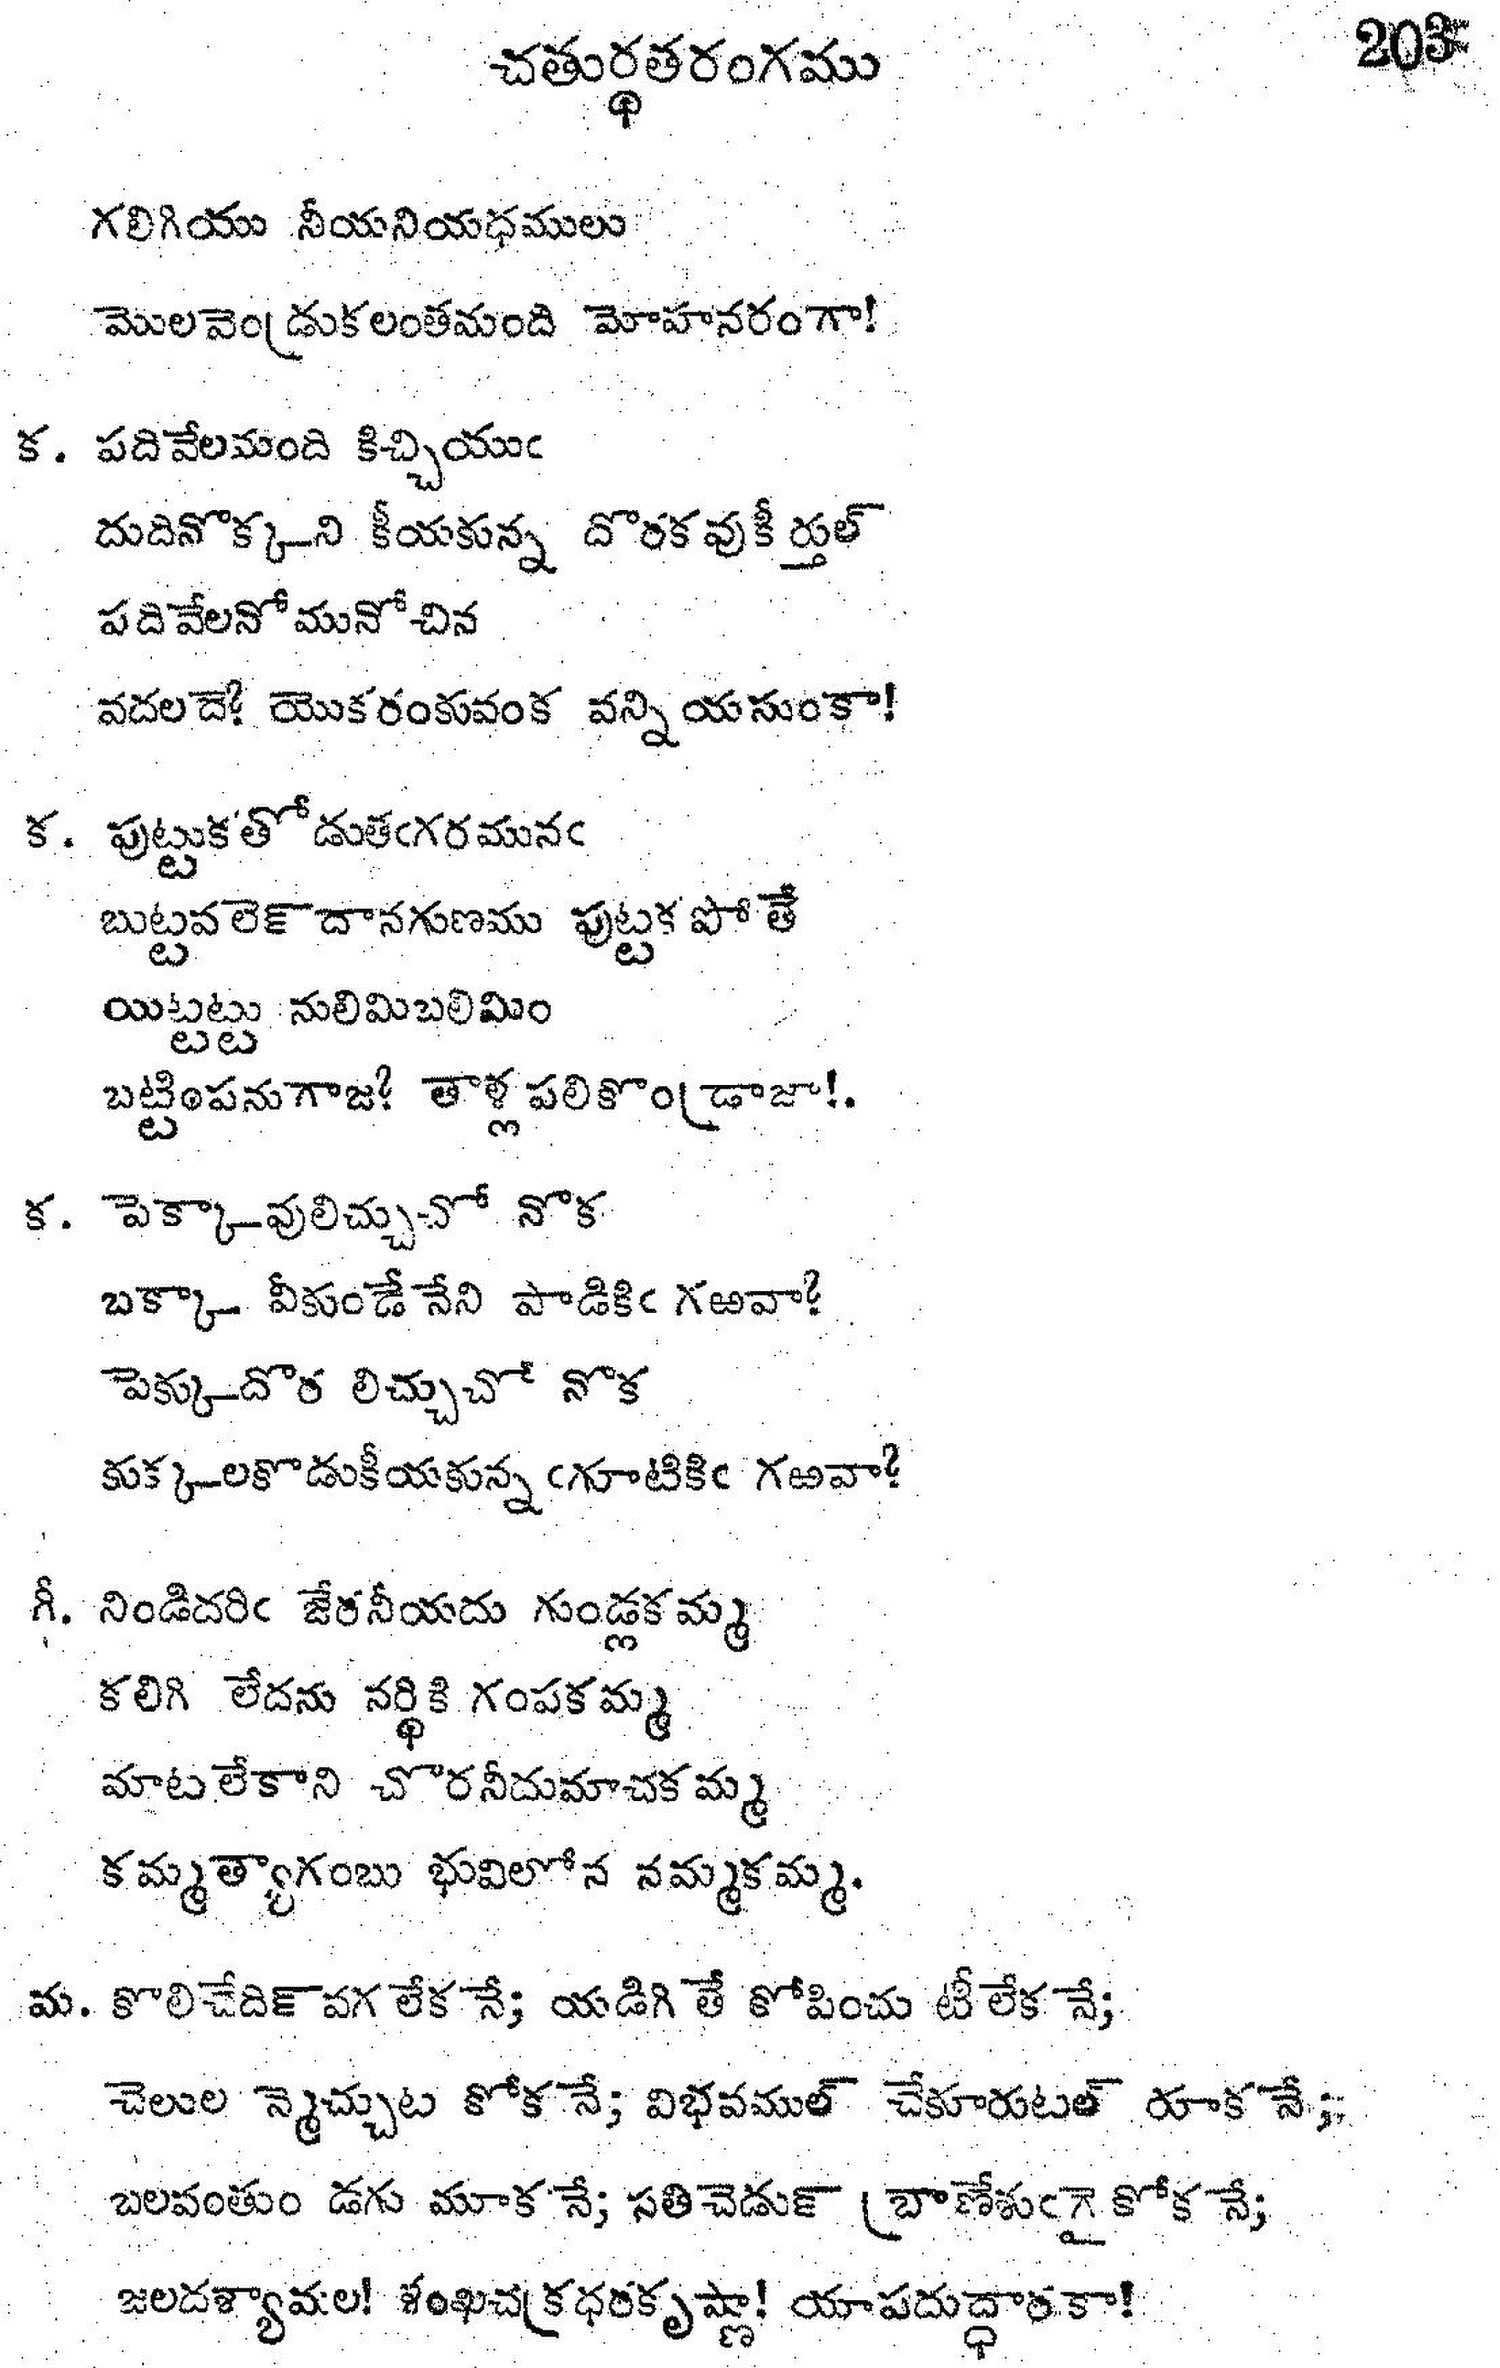గలిగియు నీయని యధములు
 మొలవెండ్రుక లంతమంది మోహనరంగా!

క. పదివేలమంది కిచ్చియుఁ
 దుదినొక్కని కీయకున్న దొరకవు కీర్తుల్
 పదివేలనోము నోచిన
 వదలదె యొకరంకువంక వన్నియసుంకా!

క. పుట్టుకతోడుతఁ గరమునఁ
 బుట్టవలెన్ దానగుణము పుట్టకపోతే
 యిట్టట్టు నులిమిబలిమిం
 బట్టింపనుగాజ? తాళ్ళపలికొండ్రాజా!

క. పెక్కావు లిచ్చుచో నొక
 బక్కా వీకుండెనేని పాడికిఁ గఱవా?
 పెక్కుదొర లిచ్చుచో నొక
 కుక్కలకొడు కీయకున్నఁ గూటికిఁ గఱవా?

గీ. నిండిదరిఁ జేరనీయదు గుండ్లకమ్మ
 కలిగి లేదను నర్థికి గంపకమ్మ
 మాటలేకాని చొరనీదు మాచకమ్మ
 కమ్మత్యాగంబు భువిలోన నమ్మకమ్మ.

మ. కొలిచేదిన్ వగలేకనే; యడిగితే కోపించు టీలేకనే;
 చెలుల న్మెచ్చుట కోకనే; విభవముల్ చేకూరుటల్ రూకనే;
 బలవంతుం డగు మూకనే; సతి చెడున్ బ్రాణేశుఁ గైకోకనే;
 జలదశ్యామల! శంఖచక్రధరకృష్ణా! యాపదుద్ధారకా!